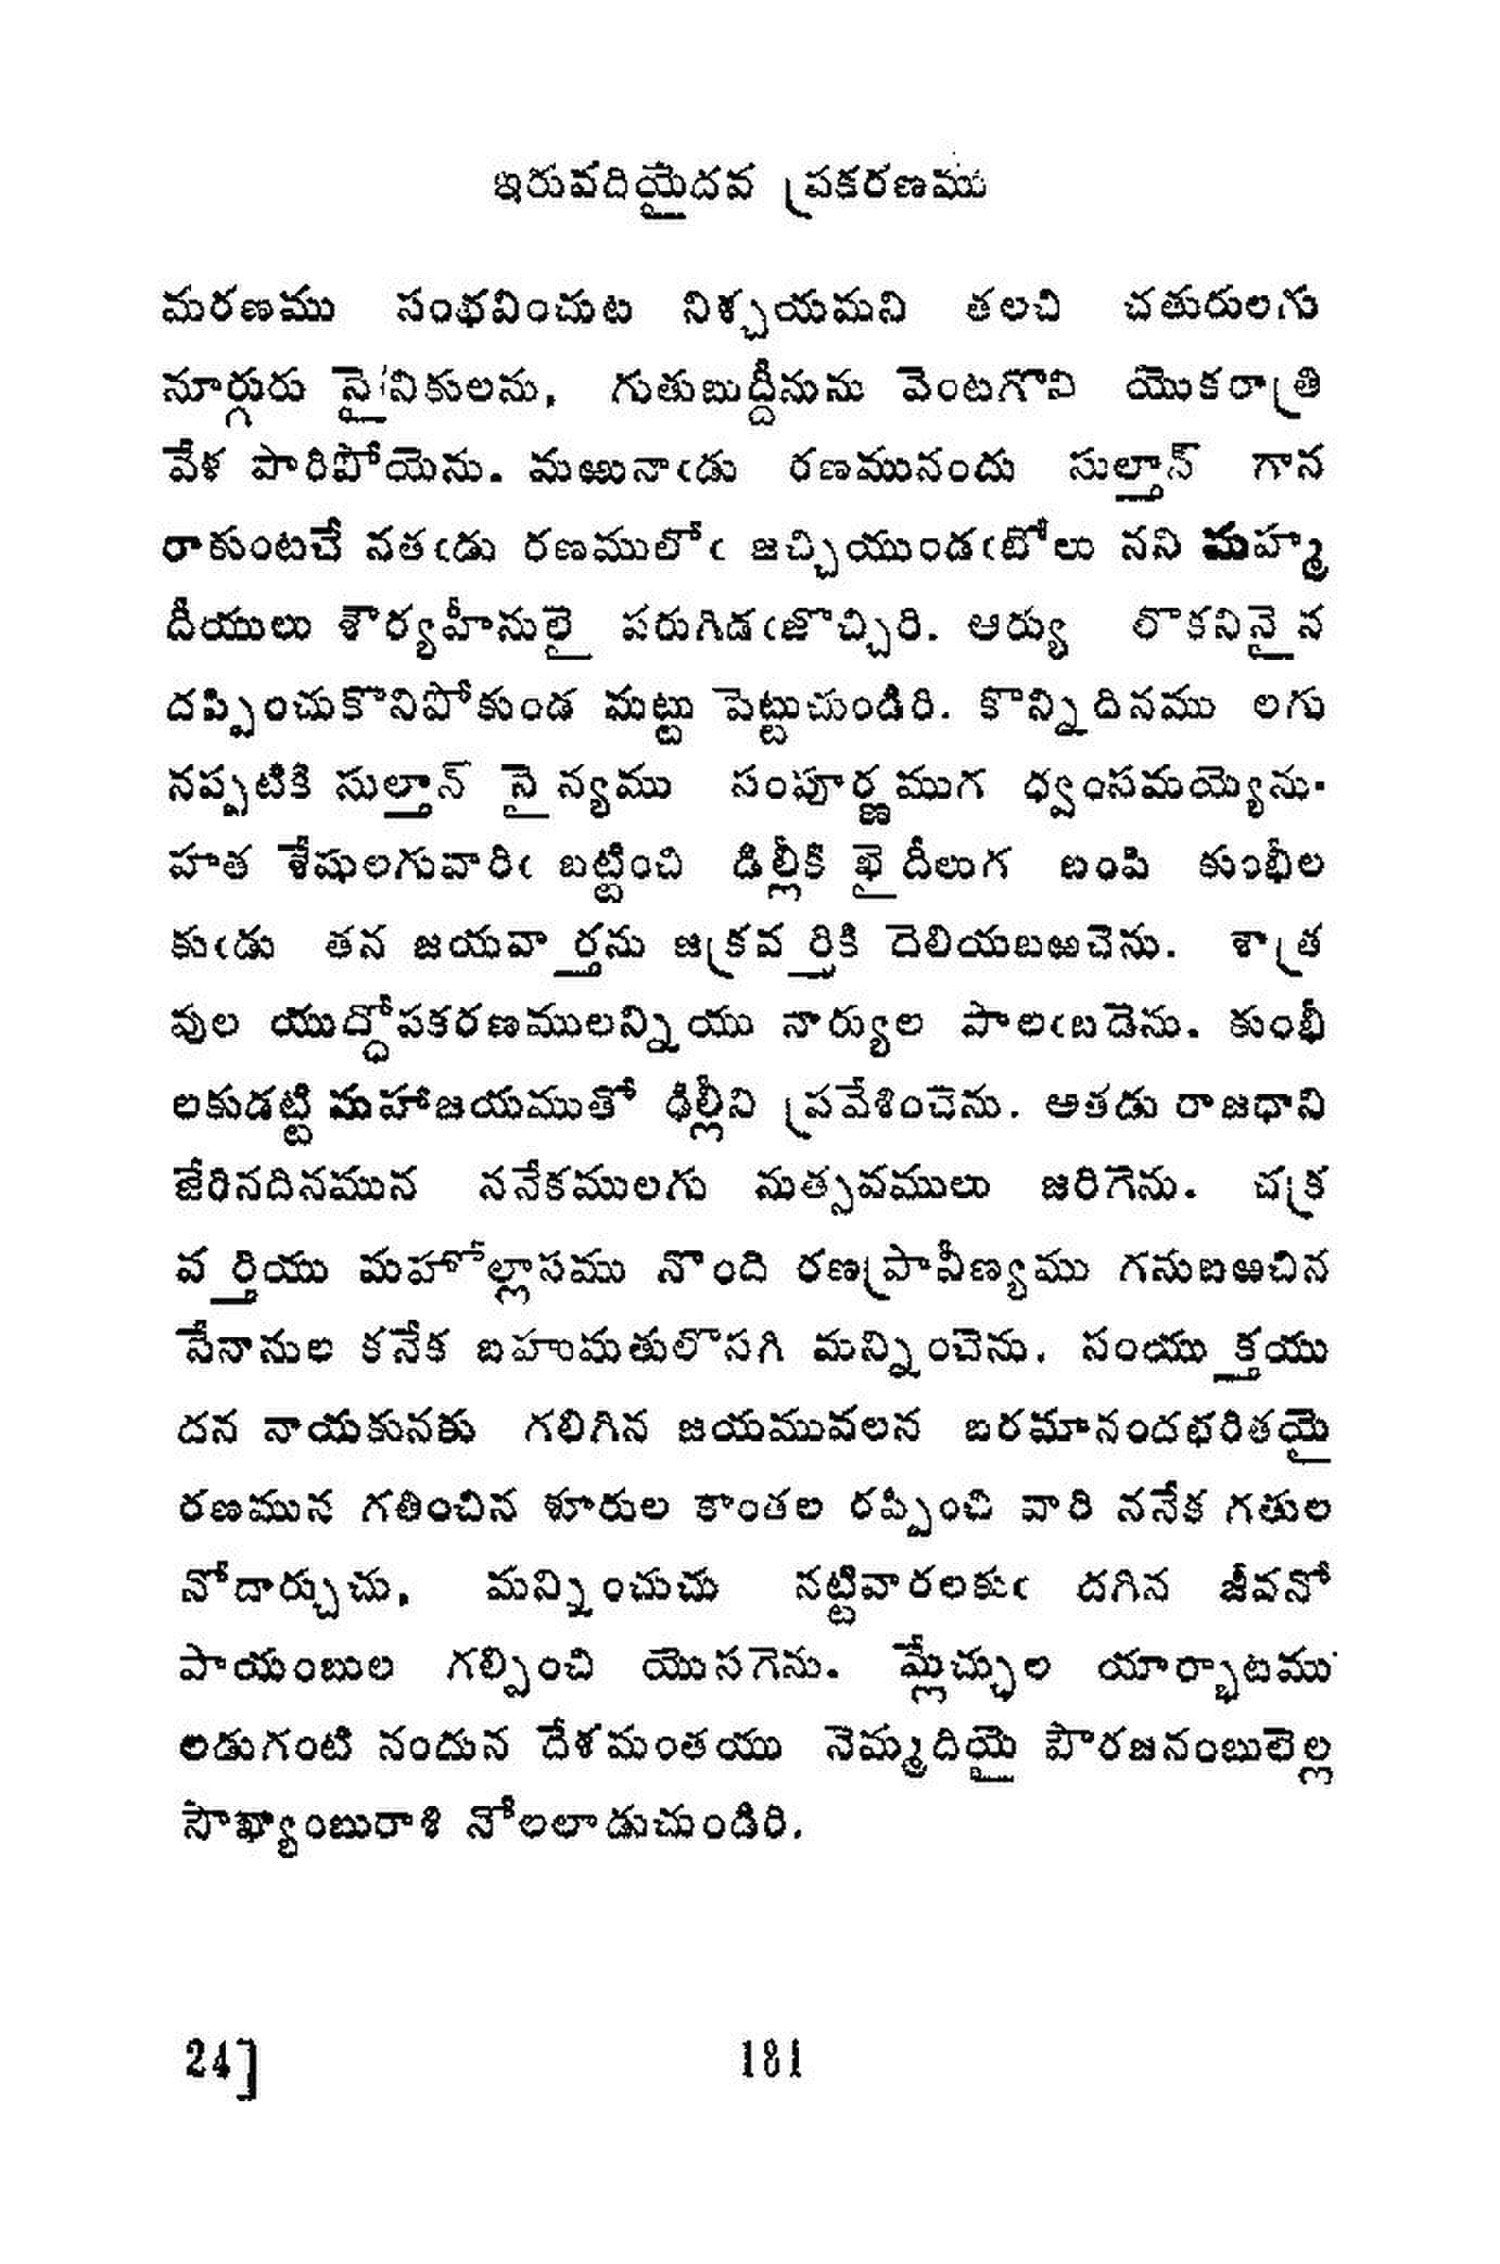మరణము సంభవించుట నిశ్చయమని తలచి చతురులను నూర్గురు సైనికులను, గుతుబుద్దీనును వెంటగొని యొకరాత్రివేళ పారిపోయెను. మఱునాఁడు రణమునందు సుల్తాన్ గానరాకుంటచే నతఁడు రణములోఁ జచ్చియుండఁబోలు నని మహ్మదీయులు శౌర్యహీనులై పరుగిడఁజొచ్చిరి. ఆర్యు లొకనినైన దప్పించుకొనిపోకుండ మట్టు పెట్టుచుండిరి. కొన్నిదినము లగునప్పటికే సుల్తాన్ సైన్యము సంపూర్ణముగ ధ్వంసమయ్యెను. హత శేషులగువారిఁ బట్టించి ఢిల్లీకి ఖైదీలుగ బంపి కుంభీలకుఁడు తన జయవార్తను జక్రవర్తికి దెలియబఱచెను. శాత్రవుల యుద్దోపకరణములన్నియు నార్యుల పాలఁబడెను. కుంబీలకుడట్టి మహాజయముతో ఢిల్లీని ప్రవేశించెను. అతడు రాజధాని జేరినదినమున ననేకములగు నుత్సవములు జరిగెను. చక్రవర్తియు మహోల్లాసము నొంది రణప్రావీణ్యము గనుబఱచిన సేనానుల కనేక బహుమతులొసగి మన్నించెను. సంయుక్తయు దన నాయకునకు గలిగిన జయమువలన బరమానందభరితయై రణమున గతించిన శూరుల కాంతల రప్పించి వారి ననేక గతుల నోదార్చుచు, మన్నించుచు నట్టివారలకుఁ దగిన జీవనోపాయంబుల గల్పించి యొసగెను. మ్లేచ్చుల యార్బాటము లడుగంటి నందున దేశమంతయు నెమ్మదియై పౌరజనంబులెల్ల సౌఖ్యంబురాశి నోలలాడుచుండిరి.